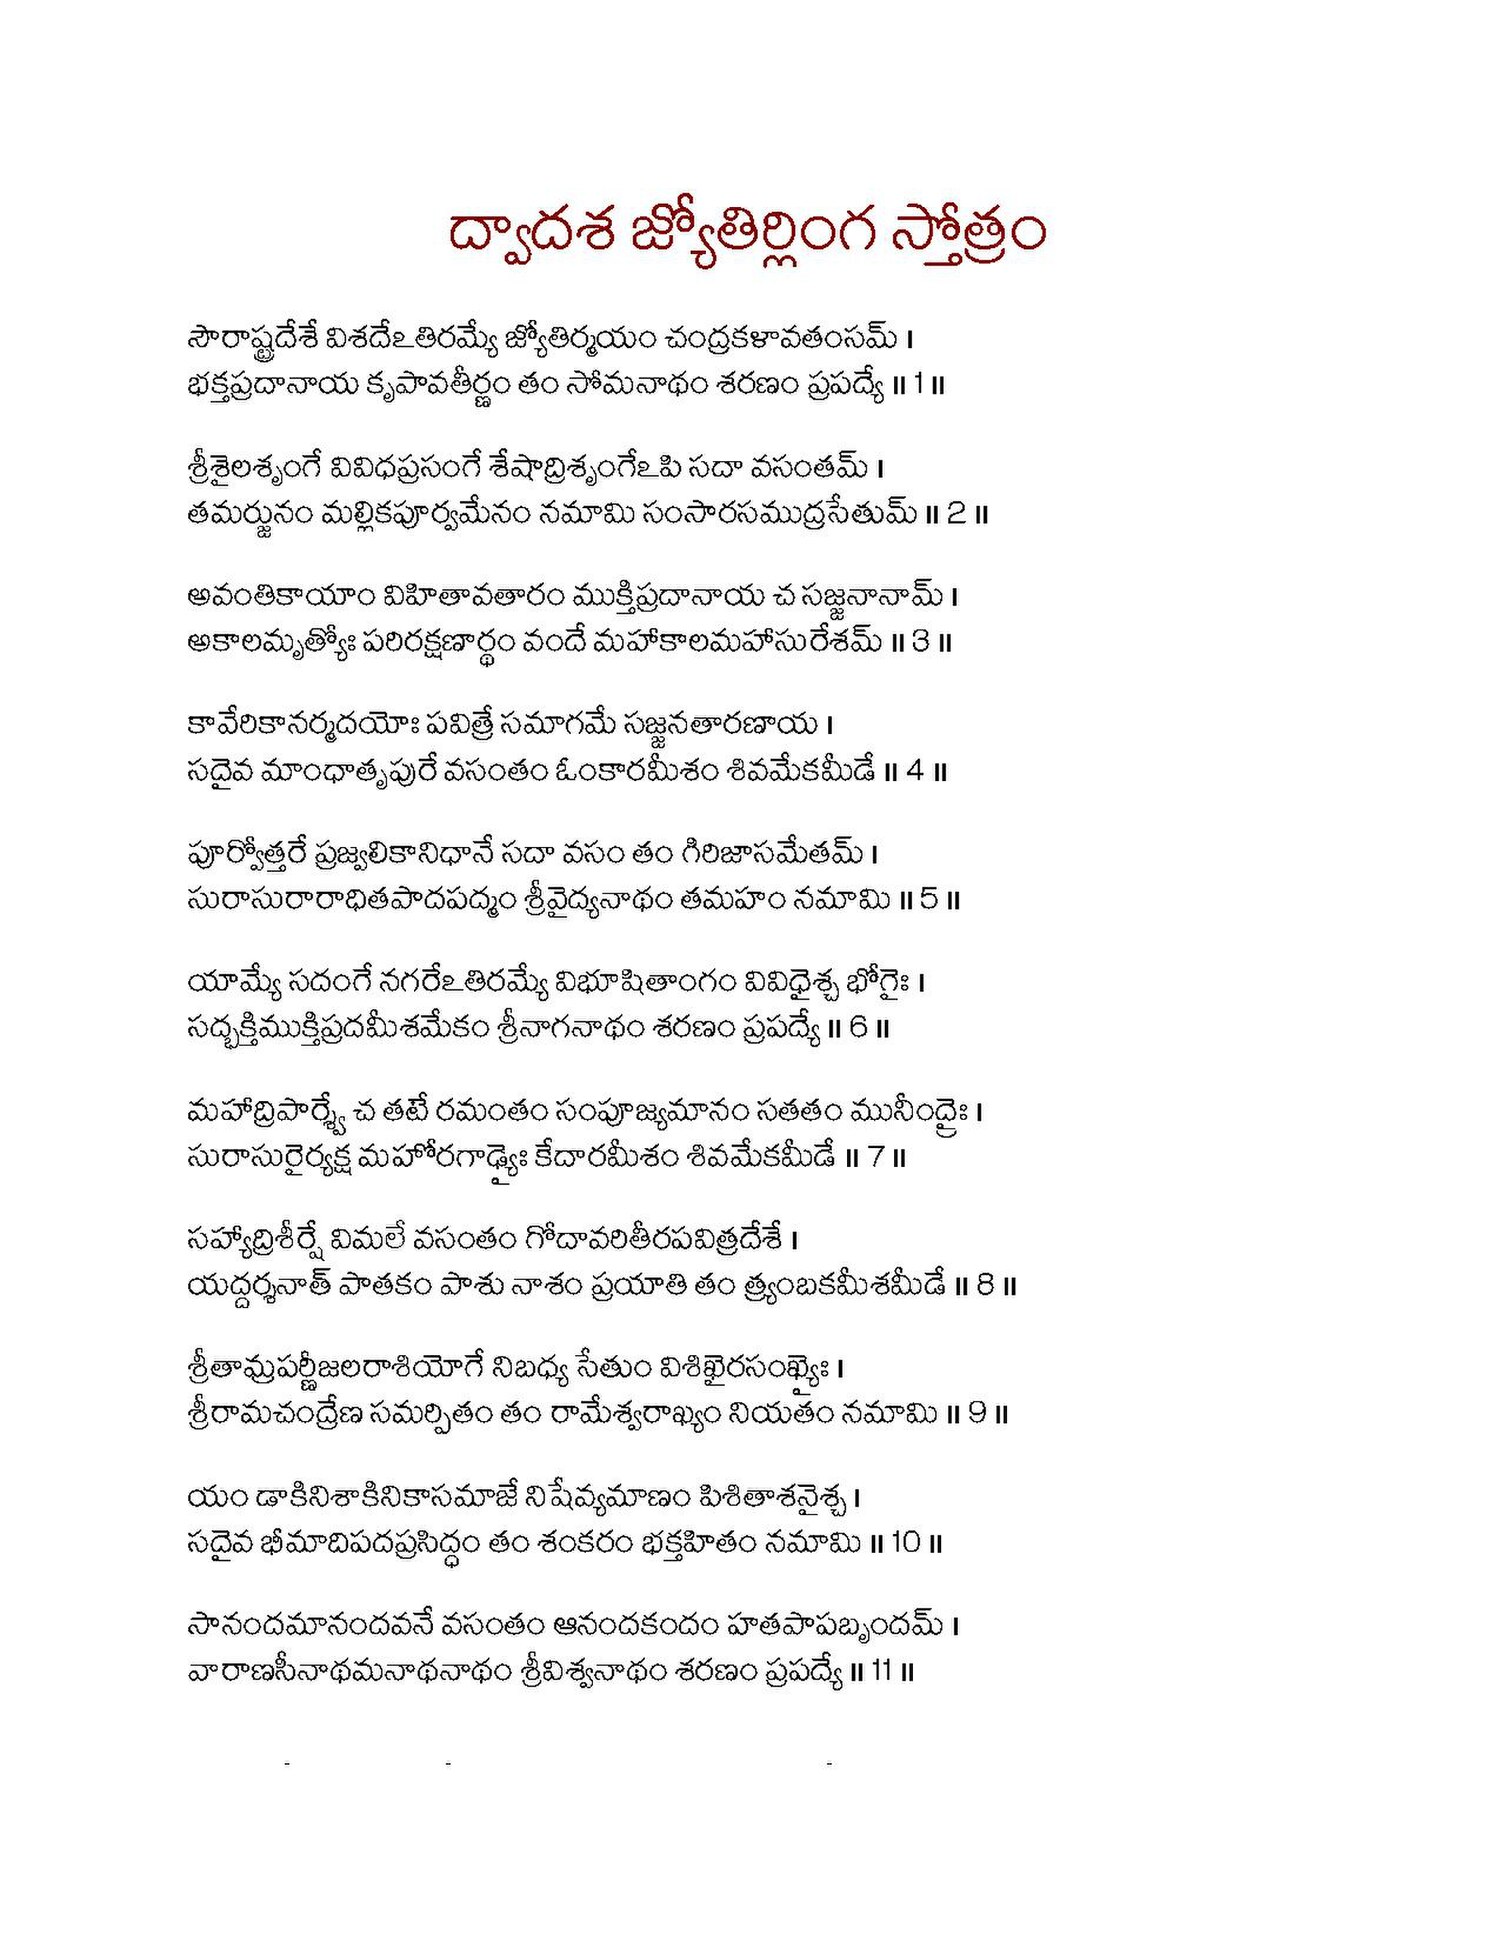ద్వాదశ జ్యోతిర్లింగ స్తోత్రం

సౌరాష్ట్రదేశే విశదే౽తిరమ్యే జ్యోతిర్మయం చంద్రకళావతంసమ్ |
భక్తప్రదానాయ కృపావతీర్ణం తం సోమనాథం శరణం ప్రపద్యే || 1 ||

శ్రీశైలశృంగే వివిధప్రసంగే శేషాద్రిశృంగే౽పి సదా వసంతమ్ |
తమర్జునం మల్లికపూర్వమేనం నమామి సంసారసముద్రసేతుమ్ || 2 ||

అవంతికాయాం విహితావతారం ముక్తిప్రదానాయ చ సజ్జనానామ్ |
అకాలమృత్యోః పరిరక్షణార్థం వందే మహాకాలమహాసురేశమ్ || 3 ||

కావేరికానర్మదయోః పవిత్రే సమాగమే సజ్జనతారణాయ |
సదైవ మాంధాతృపురే వసంతం ఓంకారమీశం శివమేకమీడే || 4 ||

పూర్వోత్తరే ప్రజ్వలికానిధానే సదా వసంతం గిరిజాసమేతమ్ |
సురాసురారాధితపాదపద్మం శ్రీవైద్యనాథం తమహం నమామి || 5 ||

యామ్యే సదంగే నగరే౽తిరమ్యే విభూషితాంగం వివిధైశ్చ భోగైః |
సద్భక్తిముక్తిప్రదమీశమేకం శ్రీనాగనాథం శరణం ప్రపద్యే || 6 ||

మహాద్రిపార్శ్వే చ తటే రమంతం సంపూజ్యమానం సతతం మునీంద్రైః |
సురాసురైర్యక్ష మహోరగాఢైః కేదారమీశం శివమేకమీడే || 7 ||

సహ్యాద్రిశీర్షే విమలే వసంతం గోదావరితీరపవిత్రదేశే |
యద్దర్శనాత్ పాతకం పాశు నాశం ప్రయాతి తం త్ర్యంబకమీశమీడే || 8 ||

శ్రీతామ్రపర్ణిజలరాశియోగే నిబధ్య సేతుం విశిఖైరసంఖ్యైః |
శ్రీరామచంద్రేణ సమర్పితం తం రామేశ్వరాఖ్యం నియతం నమామి || 9 ||

యం డాకినిశాకినికాసమాజే నిషేవ్యమాణం పిశితాశనైశ్చ |
సదైవ భీమాదిపదప్రసిద్ధం తం శంకరం భక్తహితం నమామి || 10 ||

సానందమానందవనే వసంతం ఆనందకందం హతపాపబృందమ్ |
వారాణసీనాథమనాథనాథం శ్రీవిశ్వనాథం శరణం ప్రపద్యే || 11 ||